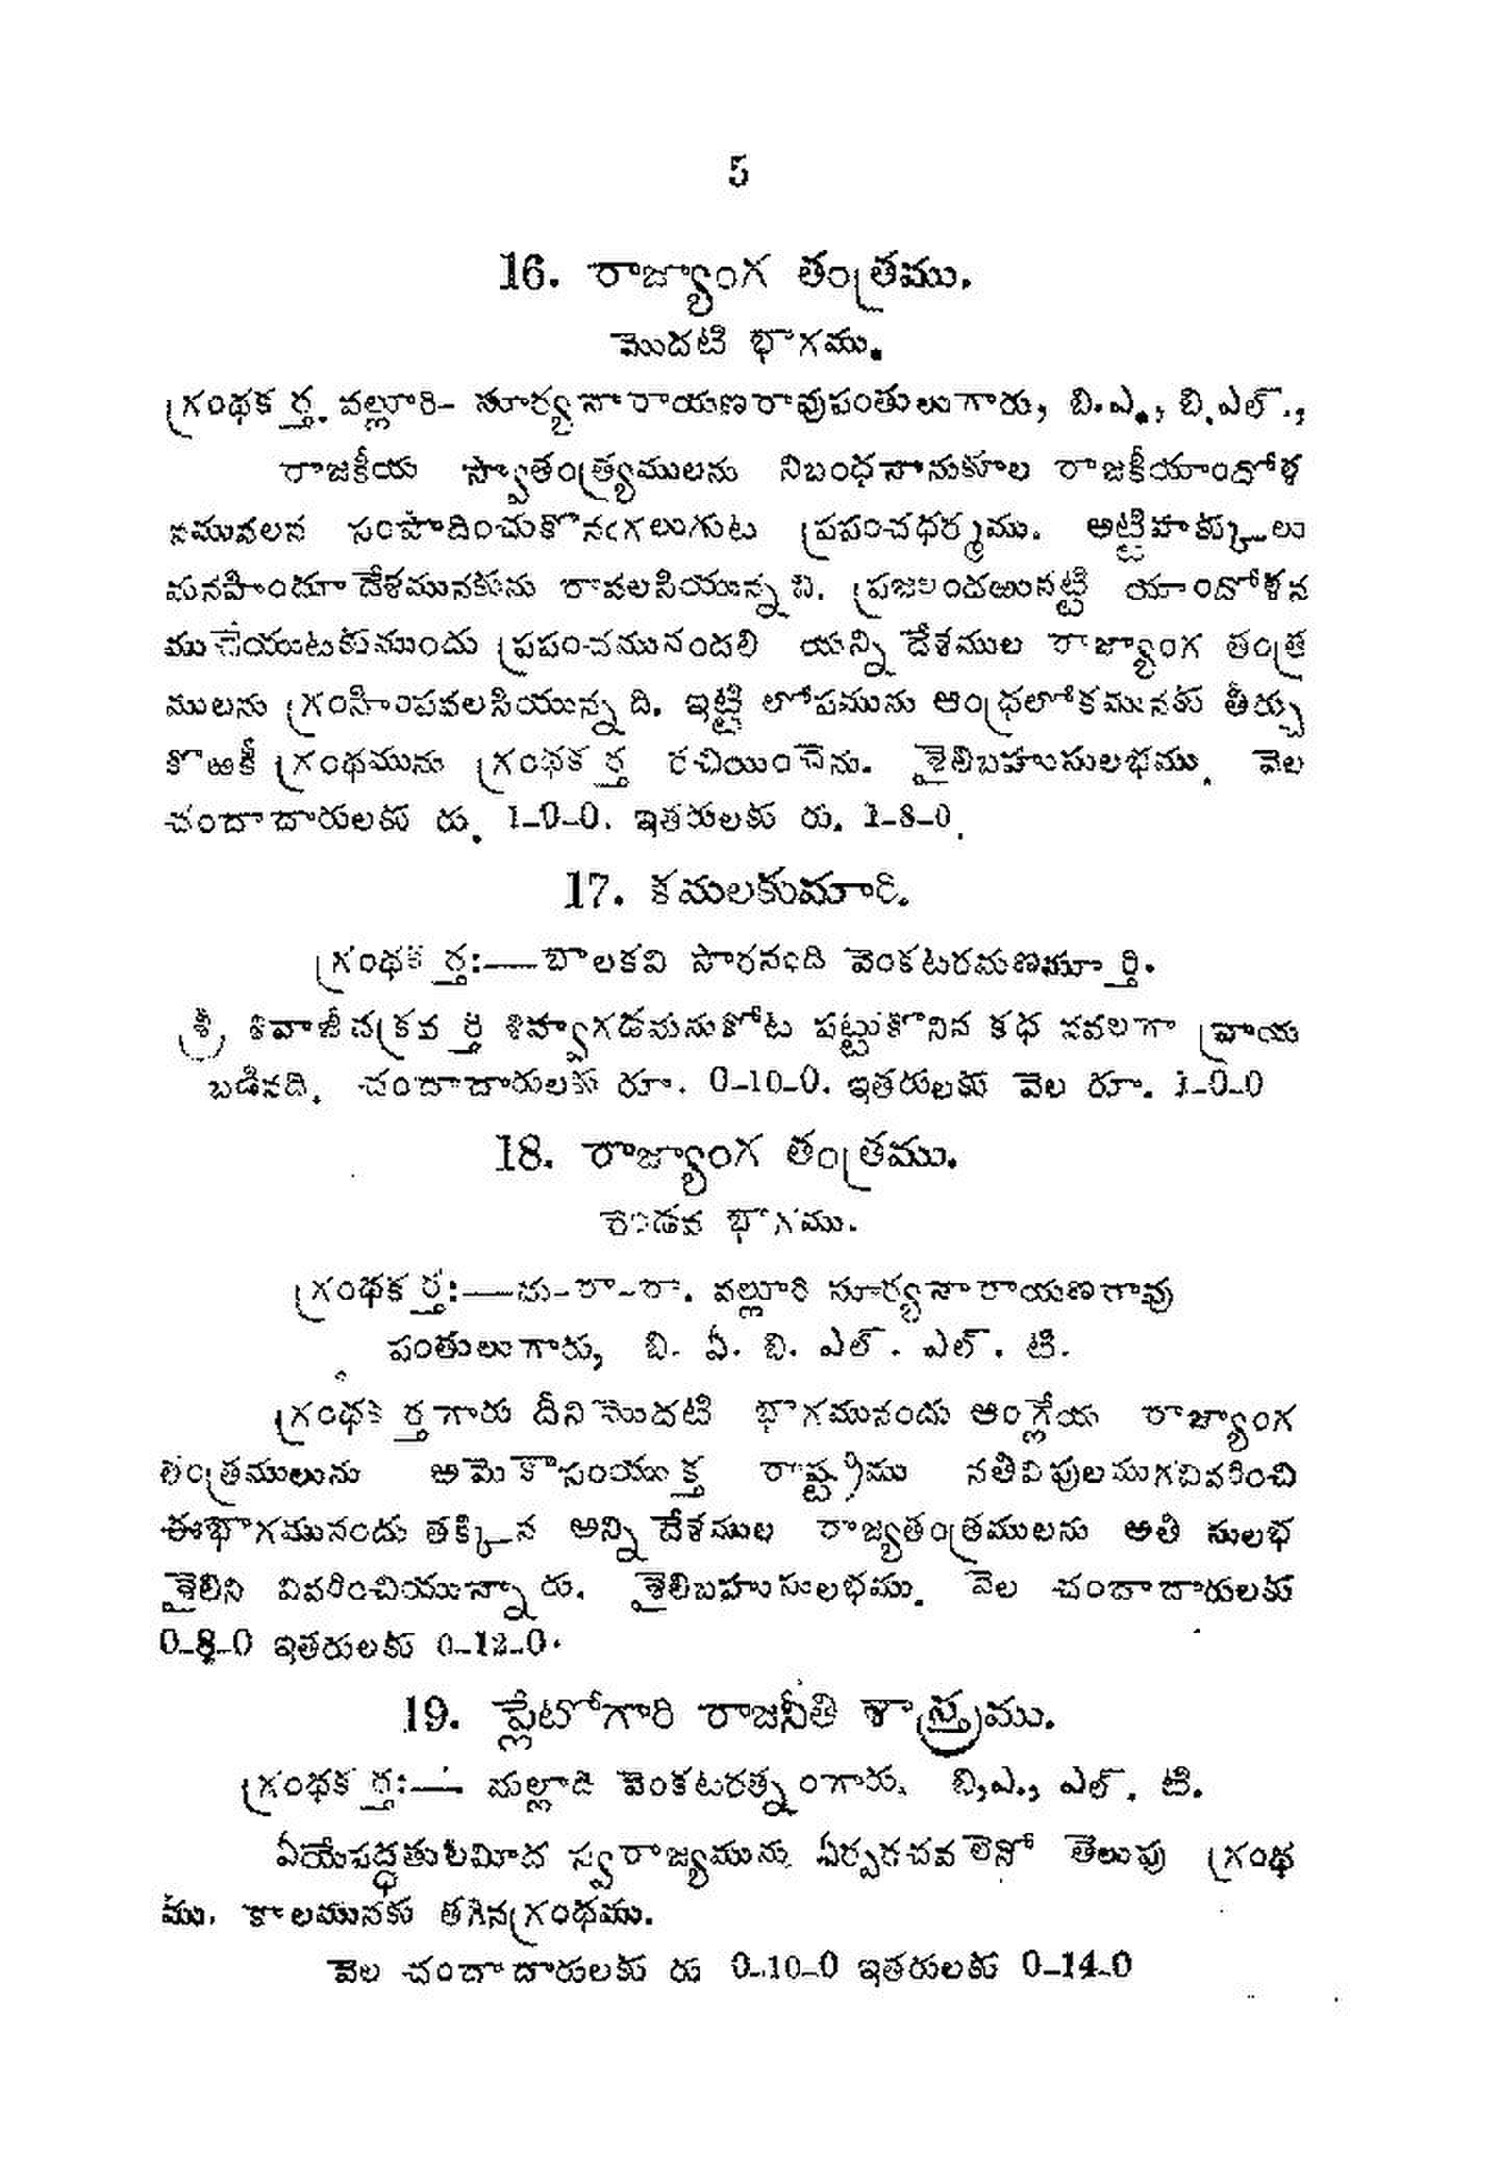గ్రంథకర్త. వల్లూరి- సూర్యనారాయణరావుపంతులుగారు, బి.ఎ., బి.ఎల్.,

రాజకీయ స్వాతంత్ర్యములను నిబంధనానుకూల రాజకీయాందోళనమువలన సంపాదించుకొనఁగలుగుట ప్రపంచధర్మము. అట్టిహక్కులు మనహిందూదేశమునకును రావలసియున్నవి. ప్రజలందఱునట్టి యాందోళనము చేయుటకుముందు ప్రపంచమునందలి యన్నిదేశముల రాజ్యాంగ తంత్రములను గ్రహింపవలసియున్నది. ఇట్టి లోపమును ఆంధ్రలోకమునకు తీర్చు కొఱకీ గ్రంథమును గ్రంథకర్త రచియించెను. శైలిబహుసులభము. వెల చందాదారులకు రు. 1-0-0. ఇతరులకు రు. 1-8-0.

 

గ్రంథకర్త:- బాలకవి సారనంది వెంకటరమణమూర్తి.

శ్రీ శివాజీచక్రవర్తి శిహ్వగడమనుకోట పట్టుకొనిన కధ నవలగా వ్రాయబడినది. చందాదారులకు రూ. 0-10-0. ఇతరులకు వెల రూ. 1-0-0

 

గ్రంధకర్త :-మ-రా-రా. వల్లూరి సూర్యనారాయణరావు పంతులు గారు, బి.ఏ. బి. ఎల్ . ఎల్. టి. 

గ్రంధకర్తగారు దీనిమొదటి భాగమునందు ఆంగ్లేయ రాజ్యాంగతంత్రములును ఆమెరికాసంయుక్త రాష్ట్రము నతివిపులముగ వివరించి ఈభాగమునందు తక్కిన అన్నిదేశముల రాజ్యతంత్రములను అతి సులభశైలిని వివరించియున్నారు, శైలిబహుసులభము. వెల చందాదారులకు 0-8-0 ఇతరులకు 0-12-0.

 

గ్రంథకర్త:- మల్లాది వెంకటరత్నంగారు, బి.ఎ., ఎల్, టీ.

ఏయేపద్దతులమీద స్వరాజ్యమును, ఏర్పరచవలెనో తెలుపు గ్రంథము. కాలమునకు తగిన గ్రంథము.

వెల చందాదారులకు రు 0-10-0 ఇతరులకు 0-14.0